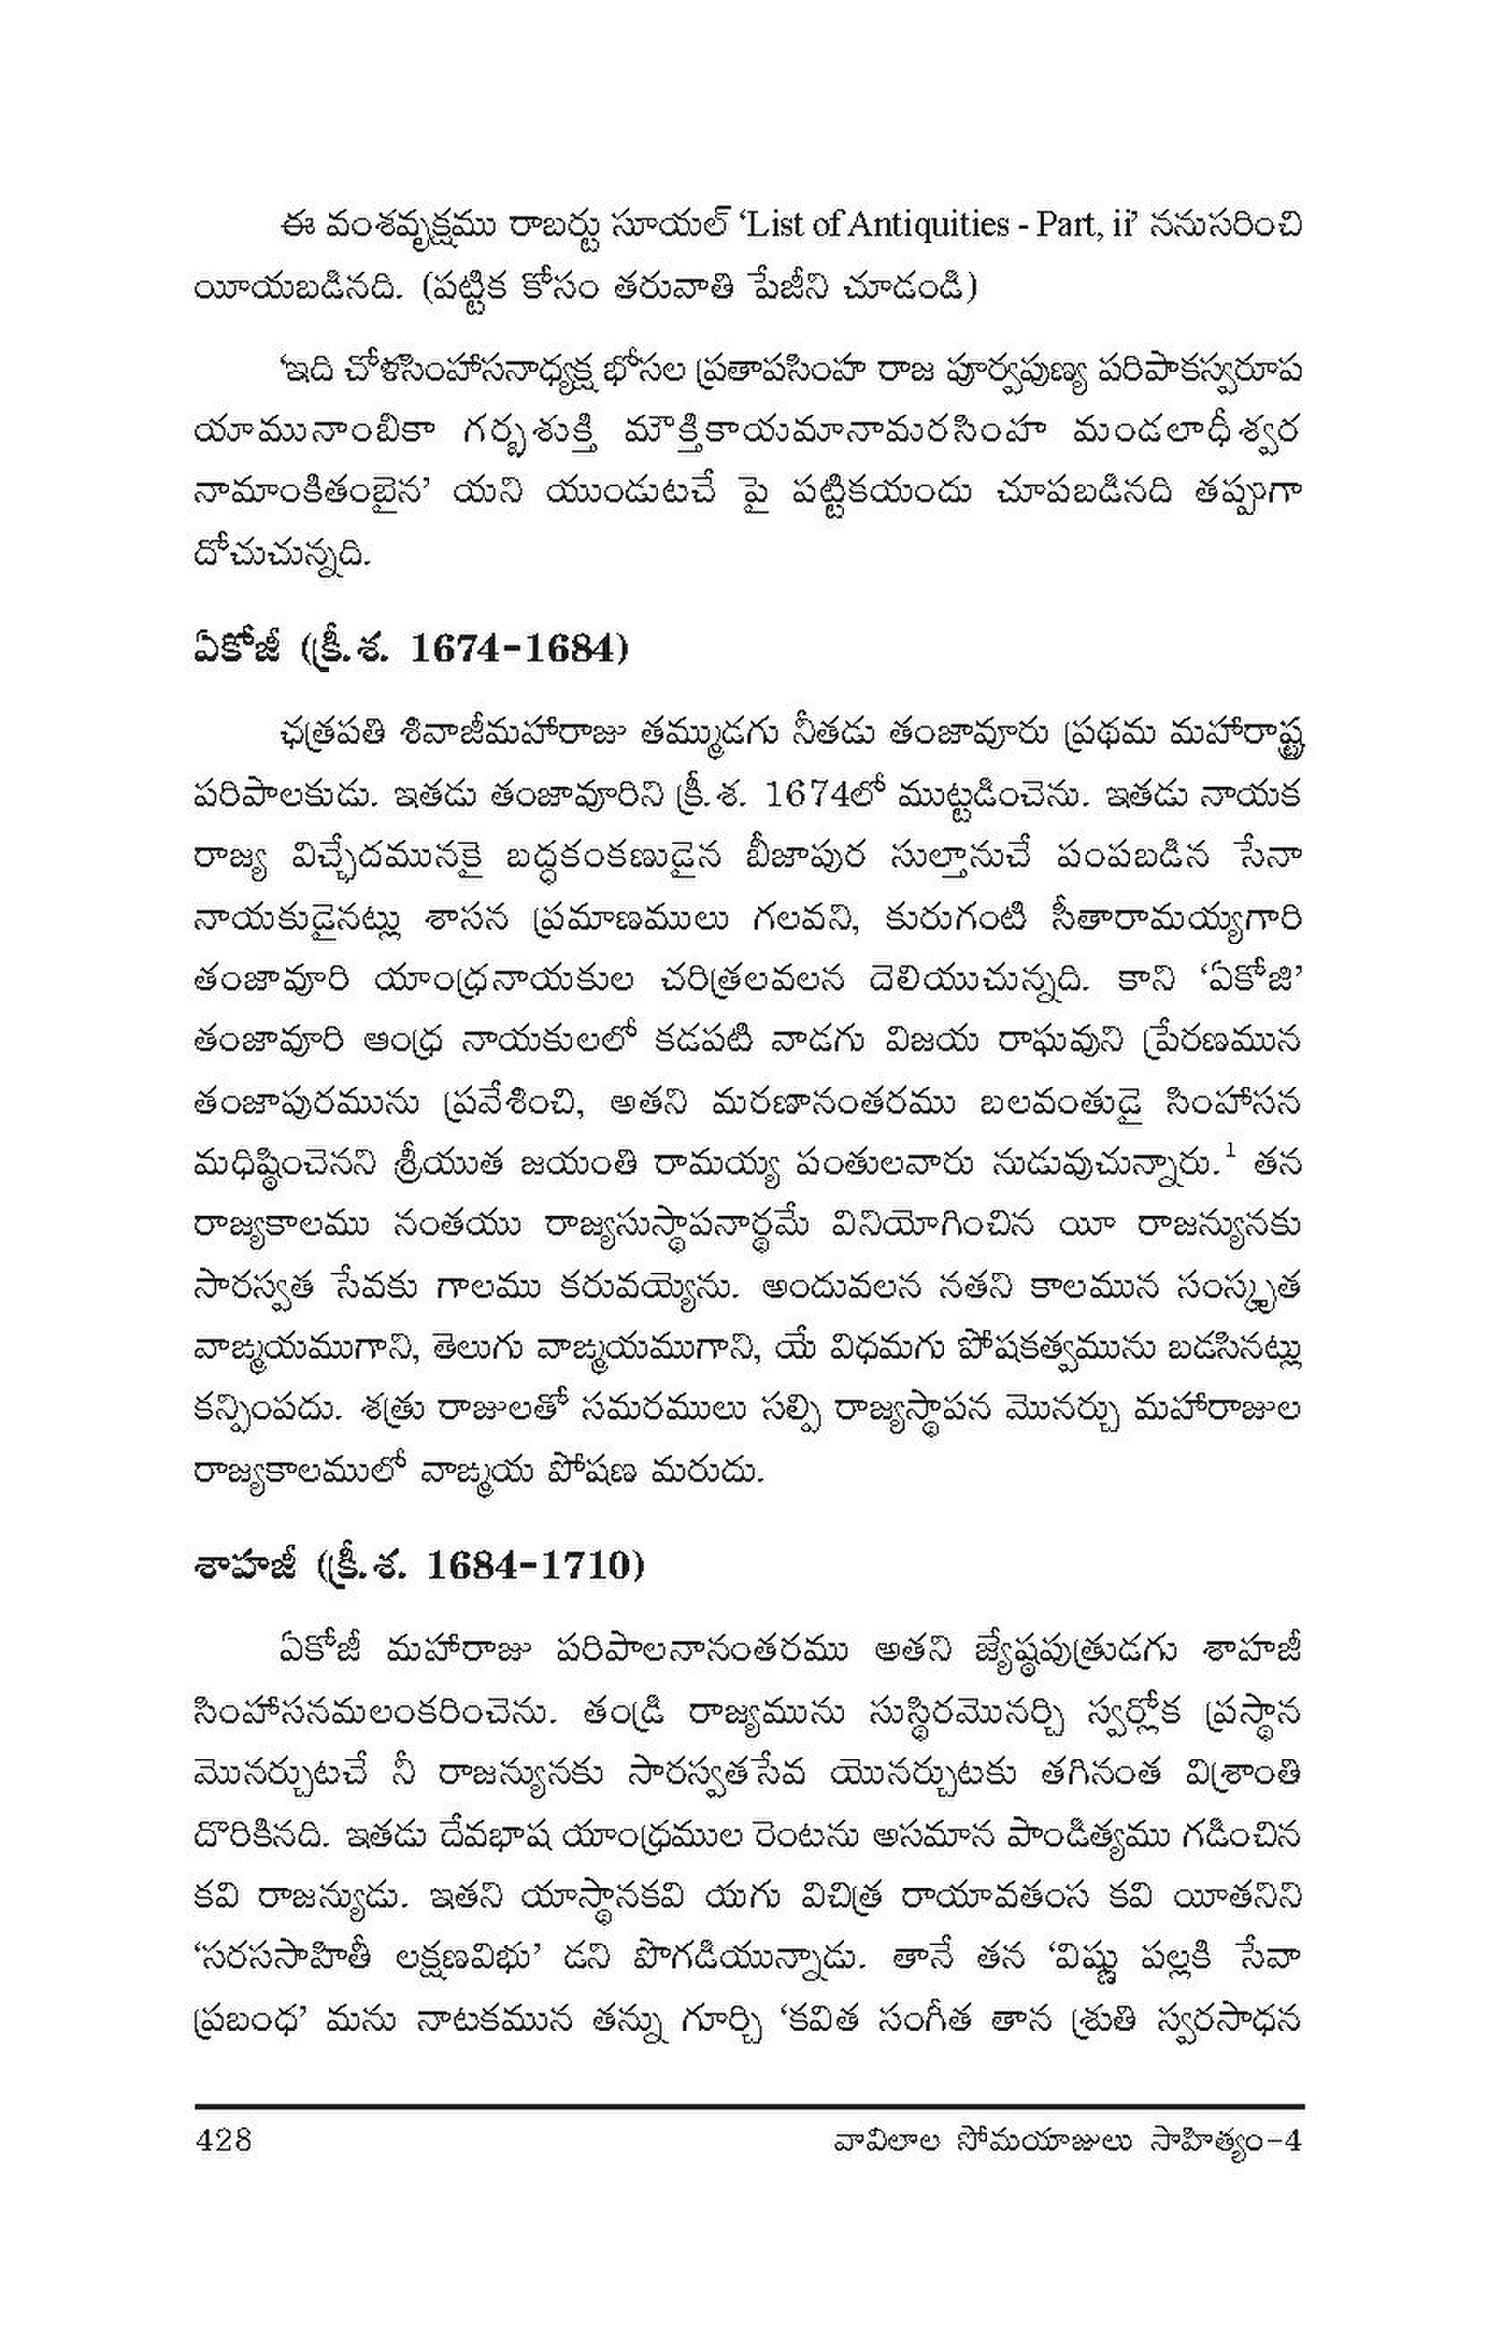ఈ వంశవృక్షము రాబర్టు సూయల్ 'List of Antiquities - Part, ii ననుసరించి యీయబడినది. (పట్టిక కోసం తరువాతి పేజీని చూడండి)

ఇది చోళసింహాసనాధ్యక్ష భోసల ప్రతాపసింహ రాజ పూర్వపుణ్య పరిపాకస్వరూప
యామునాంబికా గర్భశుక్తి మౌక్తికాయమానామరసింహ మండలాధీశ్వర నామాంకితంబైన' యని యుండుటచే పై పట్టికయందు చూపబడినది తప్పుగా దోచుచున్నది.

ఏకోజీ (క్రీ.శ. 1674-1684)

ఛత్రపతి శివాజీమహారాజు తమ్ముడగు నీతడు తంజావూరు ప్రథమ మహారాష్ట్ర పరిపాలకుడు. ఇతడు తంజావూరిని క్రీ.శ. 1674లో ముట్టడించెను. ఇతడు నాయక రాజ్య విచ్ఛేదమునకై బద్ధకంకణుడైన బీజాపుర సుల్తానుచే పంపబడిన సేనానాయకుడైనట్లు శాసన ప్రమాణములు గలవని, కురుగంటి సీతారామయ్యగారి తంజావూరి యాంధ్రనాయకుల చరిత్రలవలన దెలియుచున్నది. కాని 'ఏకోజి'
తంజావూరి ఆంధ్ర నాయకులలో కడపటి వాడగు విజయ రాఘవుని ప్రేరణమున తంజాపురమును ప్రవేశించి, అతని మరణానంతరము బలవంతుడై సింహాసన మధిష్ఠించెనని శ్రీయుత జయంతి రామయ్య పంతులవారు నుడువుచున్నారు.1 తన రాజ్యకాలము నంతయు రాజ్యసుస్థాపనార్థమే వినియోగించిన యీ రాజన్యునకు సారస్వత సేవకు గాలము కరువయ్యెను. అందువలన నతని కాలమున సంస్కృత వాఙ్మయముగాని, తెలుగు వాఙ్మయముగాని, యే విధమగు పోషకత్వమును బడసినట్లు కన్పింపదు. శత్రు రాజులతో సమరములు సల్పి రాజ్యస్థాపన మొనర్చు మహారాజుల రాజ్యకాలములో వాఙ్మయ పోషణ మరుదు.

శాహజీ (క్రీ.శ. 1684-1710)

ఏకోజీ మహారాజు పరిపాలనానంతరము అతని జ్యేష్ఠపుత్రుడగు శాహజీ సింహాసన మలంకరించెను. తండ్రి రాజ్యమును సుస్థిరమొనర్చి స్వర్లోక ప్రస్థాన మొనర్చుటచే నీ రాజన్యునకు సారస్వత సేవ యొనర్చుటకు తగినంత విశ్రాంతి దొరికినది. ఇతడు దేవభాష యాంధ్రముల రెంటను అసమాన పాండిత్యము గడించిన కవి రాజన్యుడు. ఇతని యాస్థానకవి యగు విచిత్ర రాయావతంస కవి యీతనిని 'సరససాహితీ లక్షణవిభు' డని పొగడియున్నాడు. తానే తన 'విష్ణు పల్లకి సేవా ప్రబంధ’ మను నాటకమున తన్ను గూర్చి 'కవిత సంగీత తాన శ్రుతి స్వరసాధన